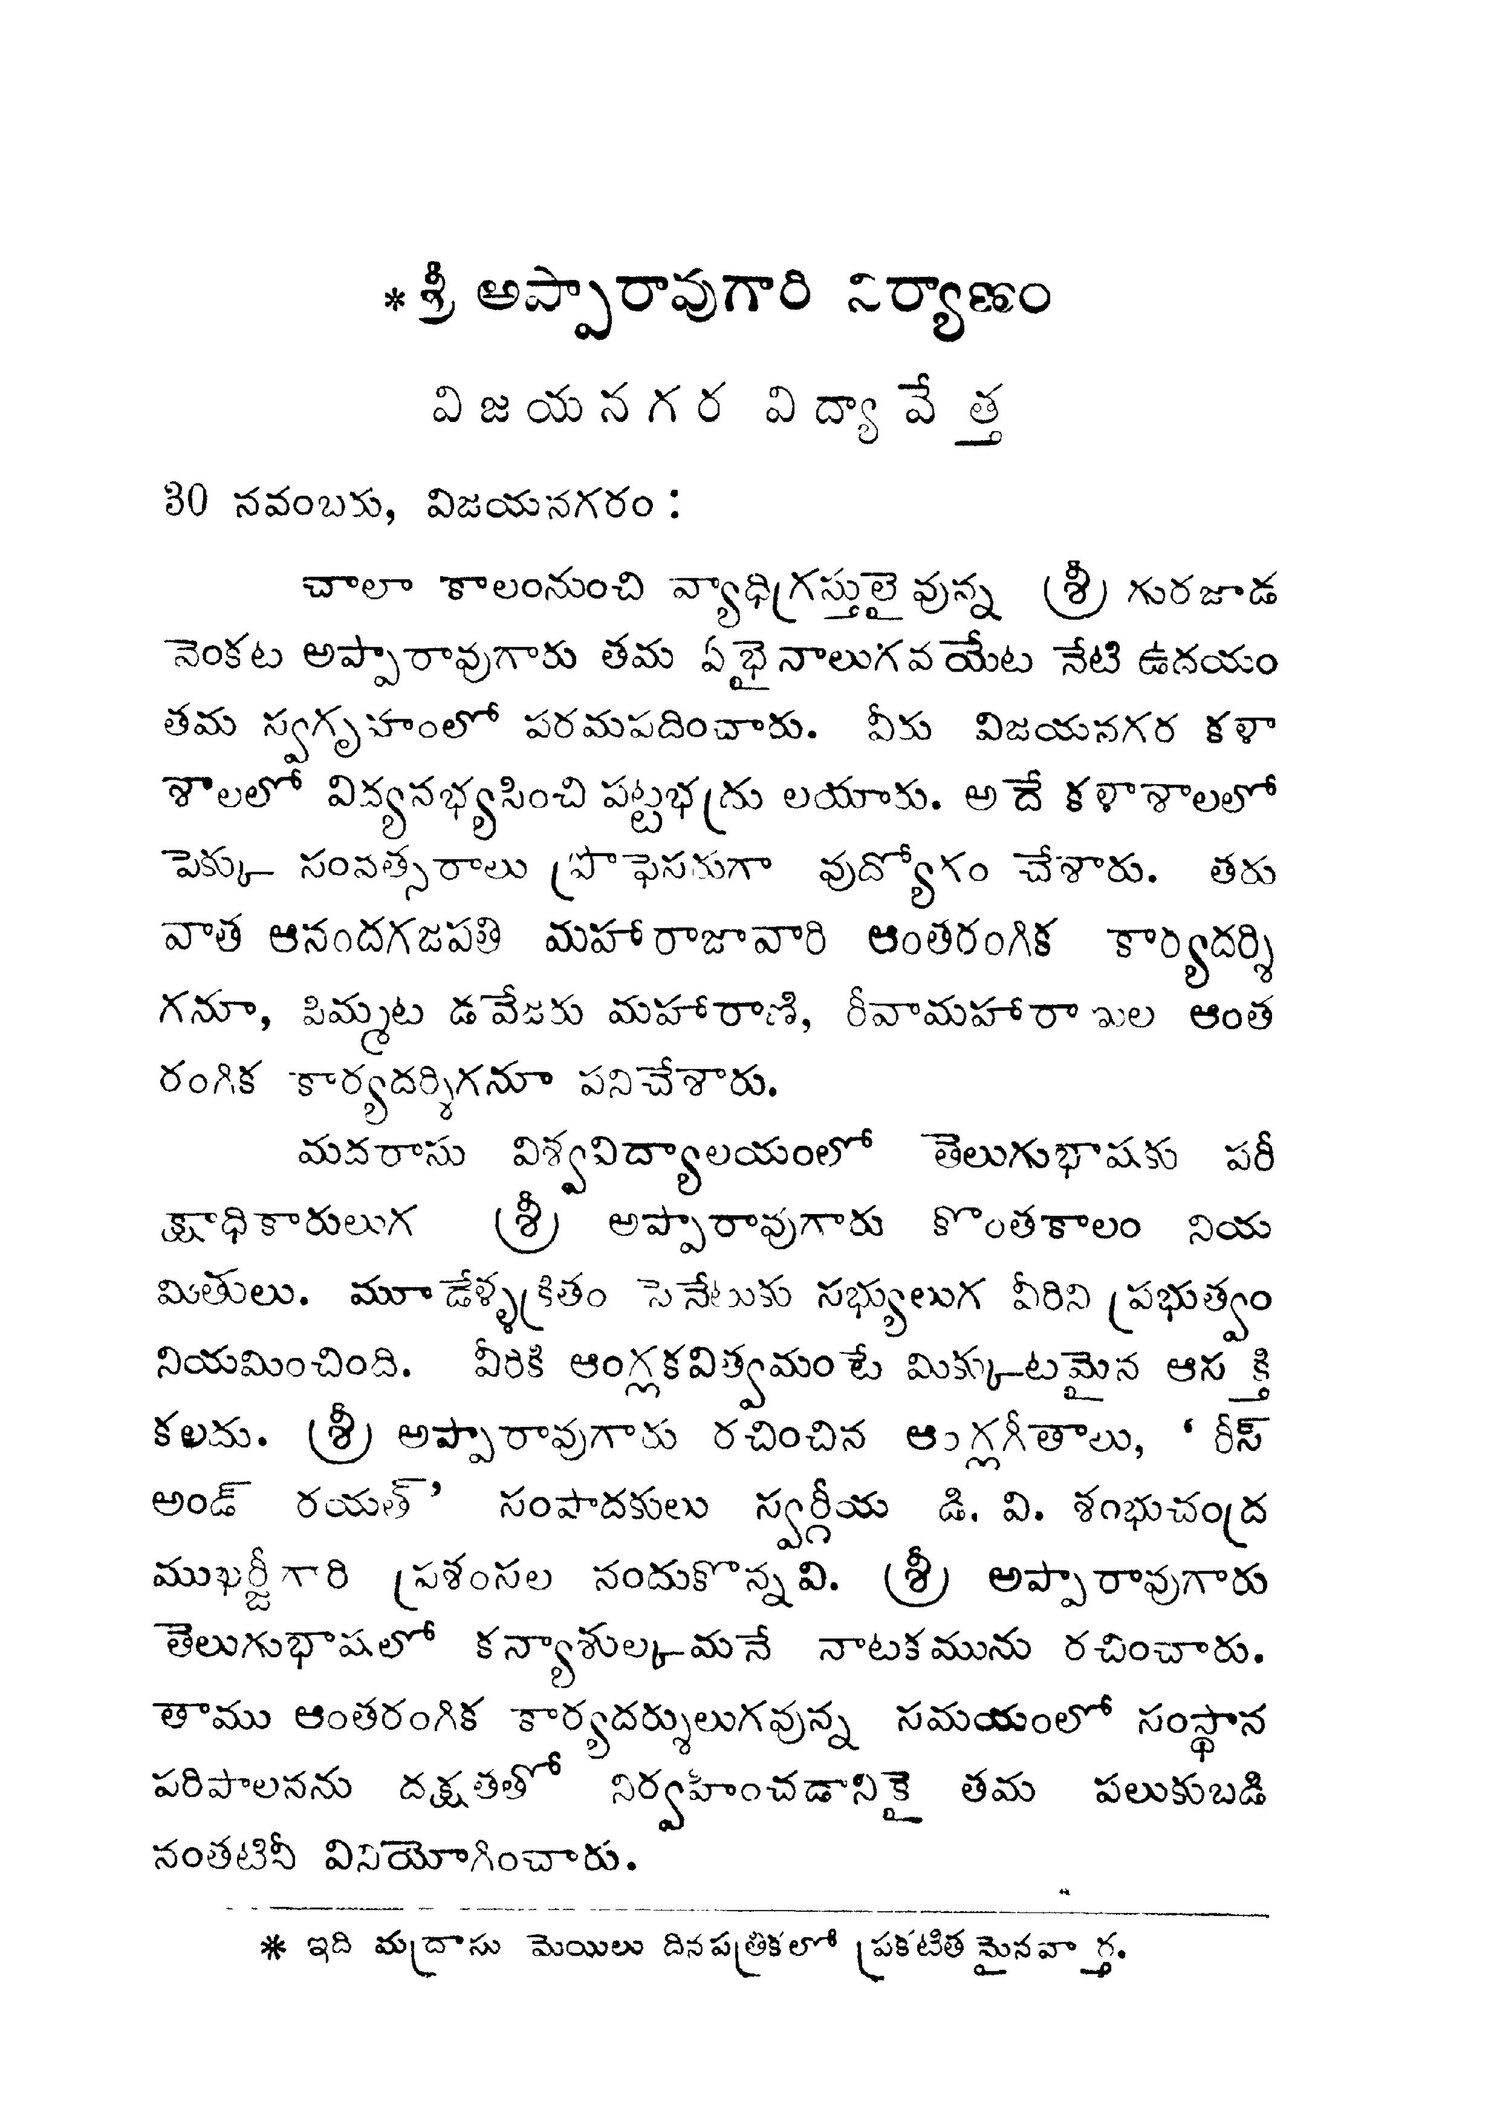30 నవంబరు, విజయనగరం :

చాలా కాలంనుంచి వ్యాధిగ్రస్తులైవున్న శ్రీ గురజాడ వెంకట అప్పారావుగారు తమ ఏభైనాలుగవయేట నేటి ఉదయం తమ స్వగృహంలో పరమపదించారు. వీరు విజయనగర కళాశాలలో విద్యనభ్యసించి పట్టభద్రు లయారు. అదే కళాశాలలో పెక్కు సంవత్సరాలు ప్రొఫెసరుగా వుద్యోగం చేశారు. తరువాత ఆనంద గజపతి మహారాజావారి ఆంతరంగిక కార్యదర్శిగనూ, పిమ్మట డవేజరు మహారాణి, రీవా మహారాణుల ఆంతరంగిక కార్యదర్శిగనూ పనిచేశారు.

మదరాసు విశ్వవిద్యాలయంలో తెలుగుభాషకు పరీక్షాధికారులుగ శ్రీ అప్పారావుగారు కొంతకాలం నియమితులు. మూడేళ్ళక్రితం సెనేటుకు సభ్యులుగ వీరిని ప్రభుత్వం నియమించింది. వీరికి ఆంగ్లకవిత్వమంటే మిక్కుటమైన ఆసక్తి కలదు. శ్రీ అప్పారావుగారు రచించిన ఆంగ్లగీతాలు, ' రీస్ అండ్ రయత్ ' సంపాదకులు స్వర్గీయ డి. వి. శంభుచంద్ర ముఖర్జీగారి ప్రశంసల నందుకొన్నవి. శ్రీ అప్పారావుగారు తెలుగుభాషలో కన్యాశుల్కమనే నాటకమును రచించారు. తాము ఆంతరంగిక కార్యదర్శులుగవున్న సమయంలో సంస్థాన పరిపాలనను దక్షతతో నిర్వహించడానికై తమ పలుకుబడి నంతటినీ వినియోగించారు.